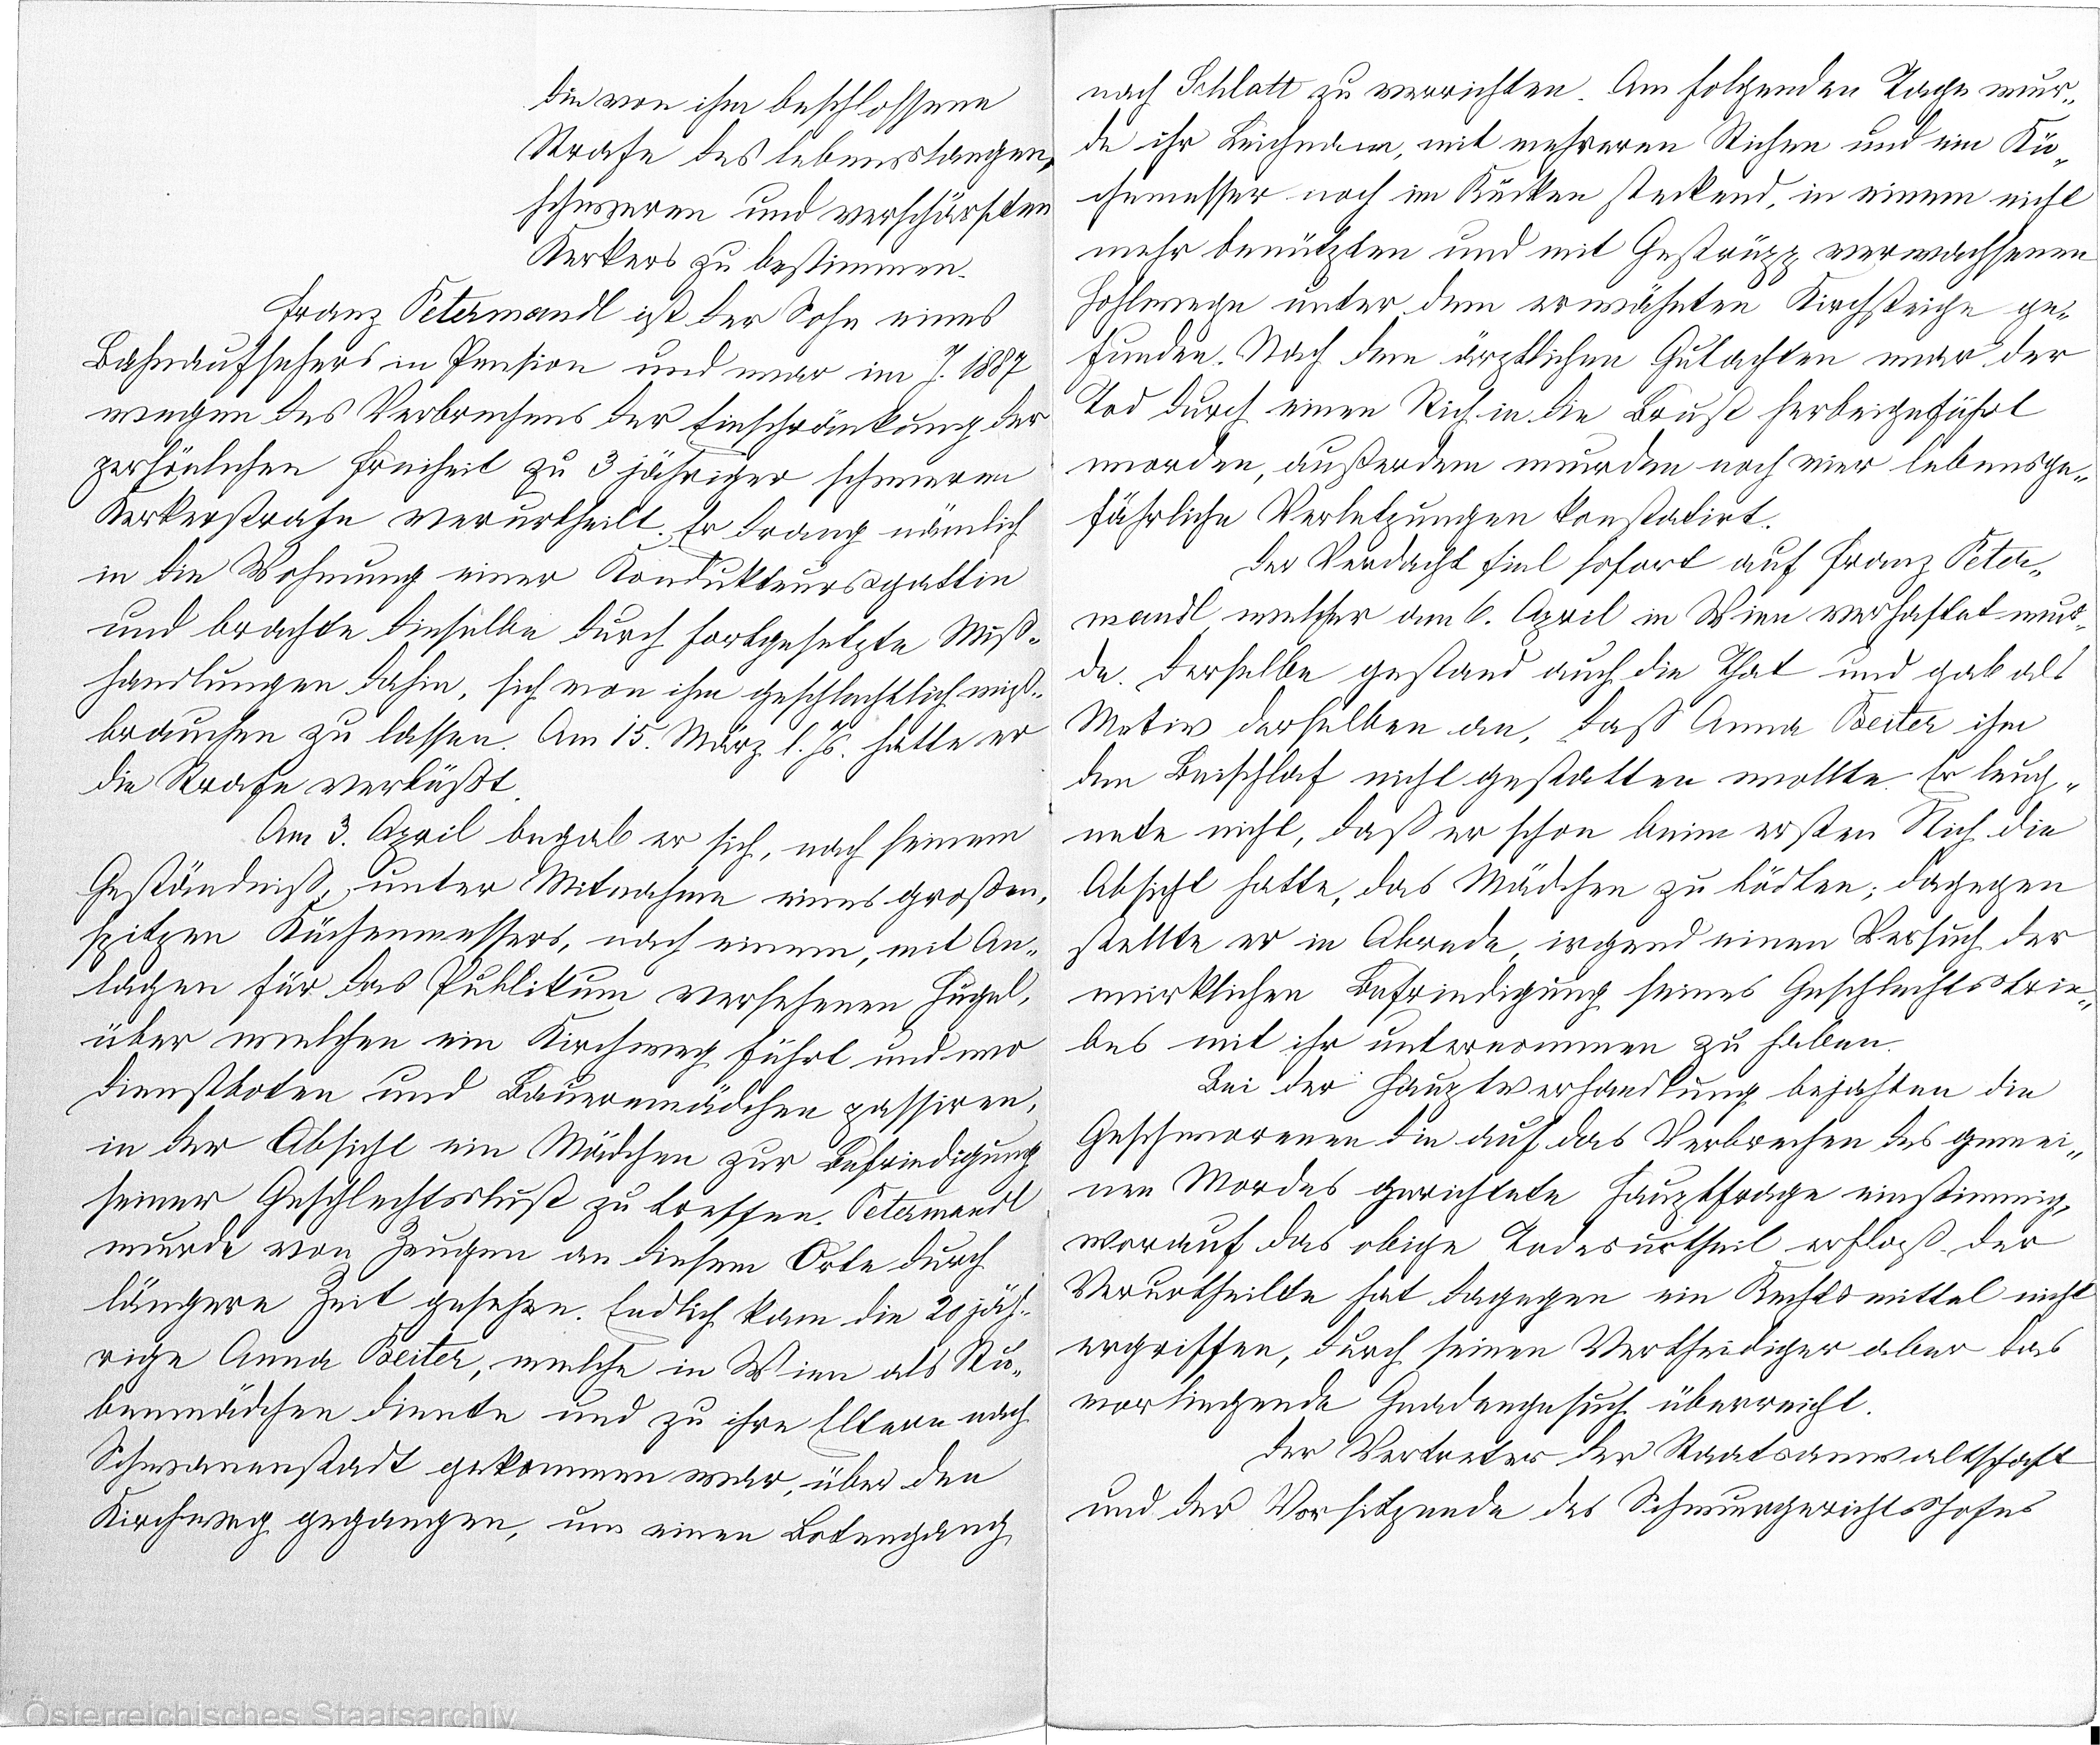die von ihm beschlossene
Strafe des lebenslangen,
schweren und verschärften
Kerkers zu bestimmen.
Franz Petermandl ist der Sohn eines
Bahnaufsehers in Pension und war im J. 1887
wegen des Verbrechens der Einschränkung der
persönlichen Freiheit zu 3 jähriger schweren
Kerkerstrafe verurtheilt. Er drang nämlich
in die Wohnung einer Kondukteursgattin
und brachte dieselbe durch fortgesetzte Miß¬
handlungen dahin, sich mon ihn geschlechtlich miß¬
brauchen zu lassen. Am 15. März l. Js. hatte er
die Strafe verbüßt.
Am 3. April begab er sich, nach seinem
Geständniß, unter Mitnahme eines großen,
spitzen Küchenmessers, nach einem, mit An¬
lagen für das Publikum versehenen Hugel,
über welchen ein Kirchweg führt und wo
Dienstboten und Bauernmädchen passiren,
in der Absicht ein Mädchen zur Befriedigung
seiner Geschlechtsslust zu treffen. Petermandl
wurde von Zeugen an diesem Orte durch
längere Zeit gesehen. Endlich kam die 20 jäh¬
rige Anna Beiter, welche in Wien als Stu¬
benmädchen Diente und zu ihre Eltern nach
Schwanenstadt gekommen war, über den
Kirchweg gegangen, um einen Botengang
nach Schlatt zu verrichten. Am folgenden Tage wur¬
de ihr Leichnam, mit mehreren Stichen und ein Kü¬
chemesser noch im Rücken steckend, in einem nicht
mehr benützten und mit Gestrüpp verwachsenen
Hohlwege unter dem erwähnten Kirchteige ge¬
funden. Nach dem ärztlichen Gutachten war der
Tod durch einen Rich in die Brust herbeigeführt
worden, außerdem wurden noch vier lebensge¬
fährliche Verletzungen konstatirt.
Der Verdacht fiel sofort auf Franz Peter¬
mandl welcher am 6. April in Wien verhaftet wur¬
de. Derselbe gestand auch die That und gab als
Motiv darselben an, daß Anna Beiter ihm
den Beischlaf nicht gestatten wollte. Er leuch¬
nete nicht, daß er schon beim ersten Nich die
Absicht hatte, das Mädchen zu tödten; dagegen
stellte er in Abrede, irgend einen Versuch der
wirklichen Befriedigung seines Geschlechtstrie¬
bes mit ihr unternommen zu haben.
Bei der Hauptverhandlung bejahten die
Geschworenen die auf das Verbrechen des gemei¬
nen Mordes gerichtete Hauptfrage einstimmig,
worauf das obige Todesurtheil erfloß der
Verurtheilte hat dagegen ein Rechtsmittel nicht
ergriffen, durch seinen Vertheidiger aber das
vorliegende Gnadengesuch überreicht.
Der Vertreter der Staatsanwaltschaft
und der Vorsitzende des Schwurgerichtshofes